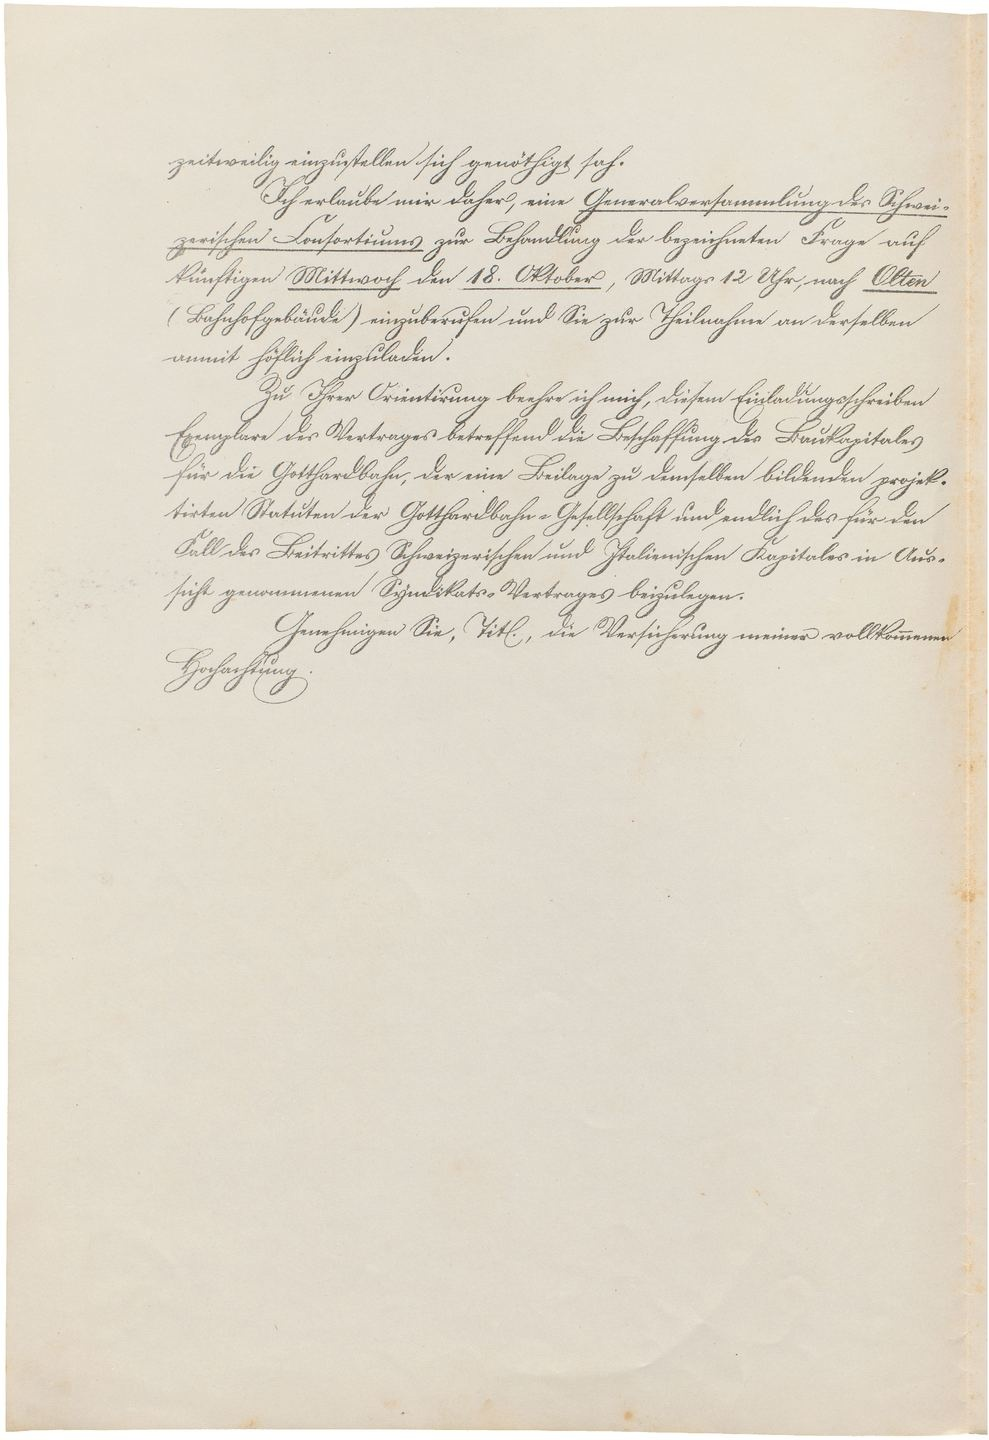zeitweilig einzustellen sich genöthigt sah.
Ich erlaube mir daher, eine Generalversammlung des Schwei-
zerischen Consortiums zur Behandlung der bezeichneten Frage auf
künftigen Mittwoch den 18. Oktober, Mittags 12 Uhr, nach Olten
(Bahnhofgebäude) einzuberufen und Sie zur Theilnahme an derselben
anmit höflich einzuladen.
Zu Ihrer Orientirung beehre ich mich, diesem Einladungsschreiben
Exemplare des Vertrages betreffend die Beschaffung des Baukapitales
für die Gotthardbahn, der eine Beilage zu demselben bildenden projek-
tirten Statuten der Gotthardbahn-Gesellschaft und endlich des für den
Fall des Beitrittes Schweizerischen und Italienischen Kapitales in Aus-
sicht genommenen Syndikats-Vertrages beizulegen.
Genehmigen Sie, Tit., die Versicherung meiner vollkommenen
Hochachtung.